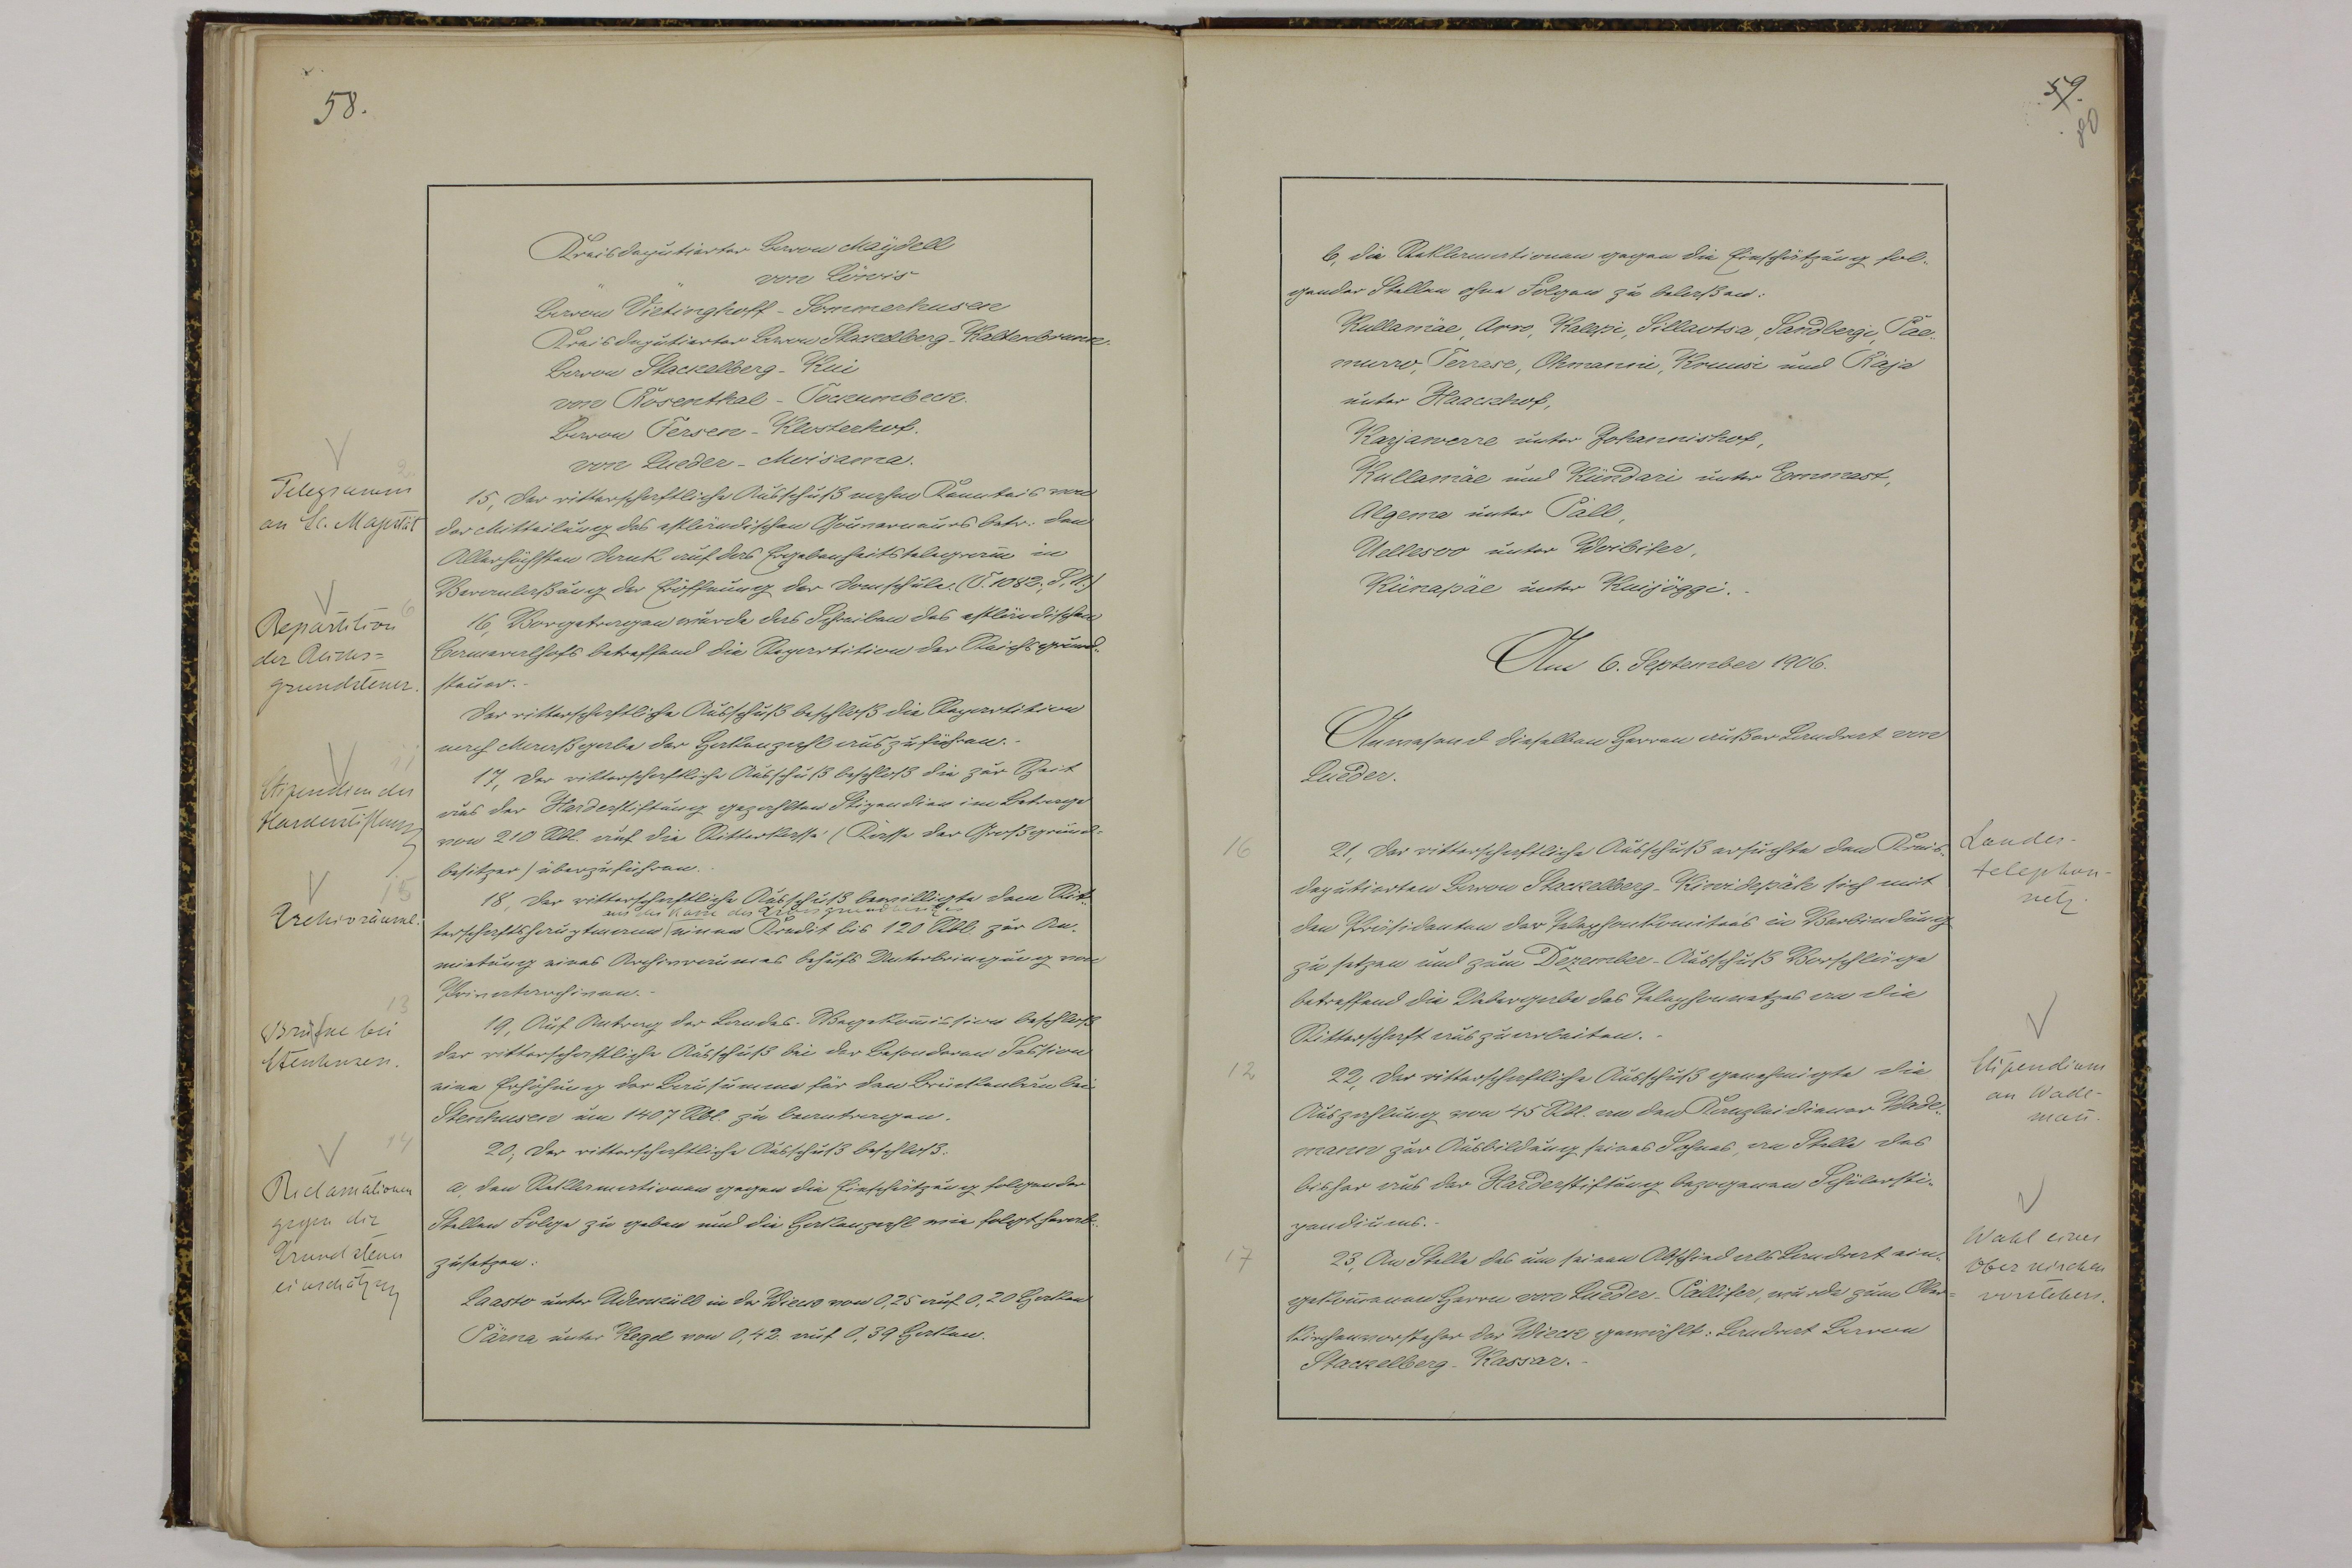Telegramm
an Se. Majestät
Repartition
der Reichs-
grundsteuer
Stipendien der
Harderstiftung
Archivräume
Brücke bei
Stenhusen
Reclamationen
gegen die
Grundsteuer
einschätzung
Kreisdeputierter Baron Maydell
von Löwis
Baron Vietinghoff-Sommerhusen
Kreisdeputierter Baron Stackelberg-Kaltenbrunn
Baron Stackelberg-Kui
von Rosenthal-Tockumbeck
Baron Fersen-Klosterhof.
von Lueder-Moisama.
15. Der ritterschaftliche Ausschuß nahm Kenntnis von
der Mitteilung des estländischen Gouverneurs betr. den
Allerhöchsten Dank auf das Ergebenheitstelegramm in
Veranlaßung der Eröffnung der Domschule (T.1082; S.11)
16. Vorgetragen wurde das Schreiben des estländischen
Cameralhofs betreffend die Repartition der Reichsgrund-
steuer.
Der ritterschaftliche Ausschuß beschloß, die Repartition
nach Maaßgabe der Hakenzahl auszuführen.
17. Der ritterschaftliche Ausschuß beschloß die zur Zeit
aus der Harderstiftung gezahlten Stipendien im Betrage
von 210 Rbl. auf die Ritterkasse (Kasse der Großgrund-
besitzer) überzuführen.
18. Der ritterschaftliche Ausschuß bewilligte dem Rit-
aus der Kasse der Großgrundbesitzer
terschaftshauptmann einen Kredit bis 120 Rbl. zur An-
mietung eines Archivraumes behufs Unterbringung von
Privatarchiven.
19. Auf Antrag der Landes-Wegekommission beschloß
der ritterschaftliche Ausschuß bei der Besonderen Session
eine Erhöhung der Bausumme für den Brückenbau bei
Stenhusen um 1407 Rbl. zu beantragen.
20. Der ritterschaftliche Ausschuß beschloß:
a. den Reklamationen gegen die Einschätzung folgender
Stellen Folge zu geben und die Hakenzahl wie folgt herab-
zusetzen:
Laasto unter Udenküll in der Wieck von 0,25 auf 0,20 Haken
Pärna unter Kegel von 0,42 auf 0,39 Haken.
b. die Reklamationen gegen die Einschätzung fol-
gender Stellen ohne Folgen zu belaßen:
Kullamäe, Arro, Kalepi, Sillaotsa, Sandbergi, Pae-
murro, Terrase, Ohmanni, Kruusi und Raja
unter Haackhof,
Karjawerre unter Johannishof,
Kullamäe und Kündari unter Emmast,
Algema unter Pall,
Uellesoo unter Woibifer,
Künapäe unter Kuijöggi.
Am 6. September 1906.
Anwesend dieselben Herren außer Landrat von
Lueder.
21. Der ritterschaftliche Ausschuß ersuchte den Kreis-
deputierten Baron Stackelberg-Kiwidepäh sich mit
den Präsidenten der Telephonkomitees in Verbindung
zu setzen und zum Dezember-Ausschuß Vorschläge
betreffend die Uebergabe des Telephonnetzes an die
Ritterschaft auszuarbeiten.
22. Der ritterschaftliche Ausschuß genehmigte die
Auszahlung von 45 Rbl. an den Kanzleidiener Wade-
mann zur Ausbildung seines Sohnes, an Stelle des
bisher aus der Harderstiftung bezogenen Schülersti-
pendiums.
23. An Stelle des um seinen Abschied als Landrat ein-
gekommenen Herrn von Lueder-Pallifer, wurde zum Ober-
kirchenvorsteher der Wieck gewählt: Landrat Baron
Stackelberg-Kassar.
Landes-
telephon-
netz.
Stipendium
an Wade-
mann
Wahl eines
Oberkirchen
vorstehers.